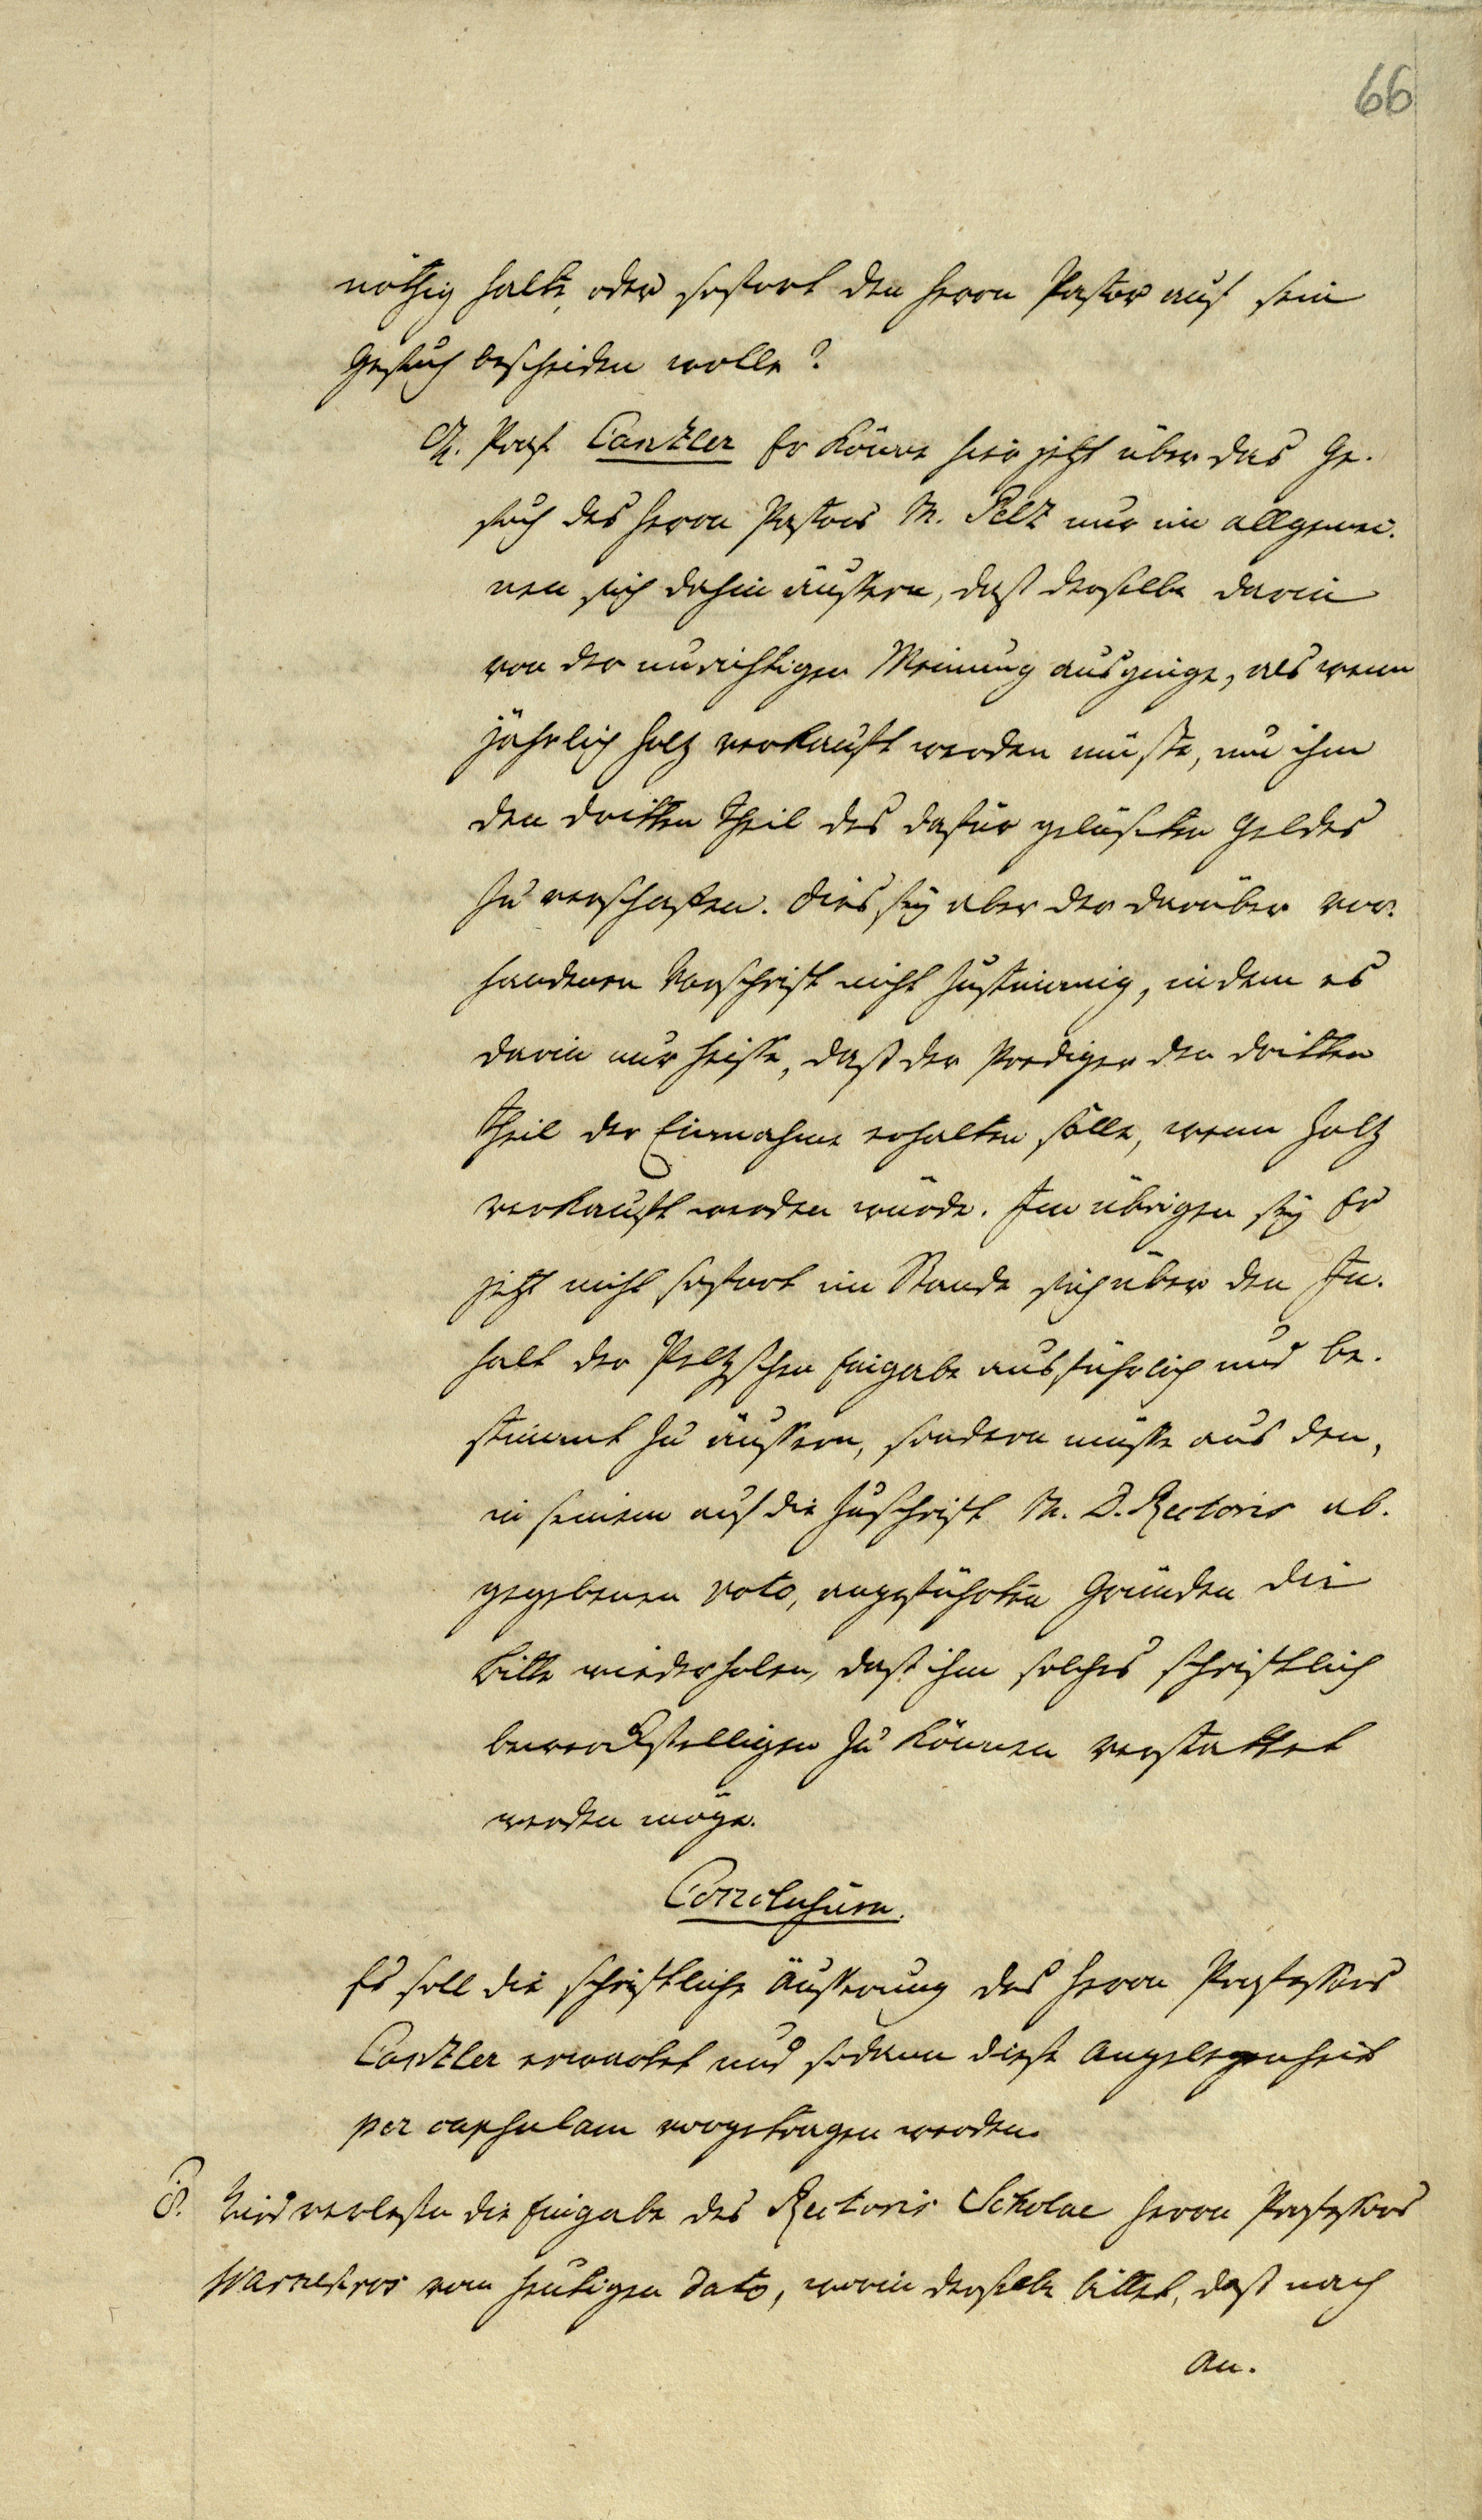nöthig halte, oder sofort den Herrn Pastor auf sein
Gesuch bescheiden wolle?
dh. Prof. Canzler Er könne hier jetzt über das Ge¬
such des Herrn Pastors M. Pelz nur im allgemei¬
nen sich dahin äussern, daß derselbe darin
von der unrichtigen Meinung ausginge, als wenn
jährlich Holz verkauft werden müßte, um ihm
den dritten Theil des dafür gelösten Geldes
zu verschaffen. Dies seÿ aber der darüber vor¬
handenen Vorschrift nicht zustimmig, in dem es
darin nur heisse, daß der Prediger den dritten
Theil der Einnahme erhalten solle, wenn Holz
verkauft werden würde. Im übrigen seÿ Er
jetzt nicht sofort im Stande sich über den In¬
halt der Pelzschen Eingabe ausführlich und be
stimmt zu äussern, sondern müsse aus den,
in seinem auf die Zuschrift M. D. Rectoris ab¬
gegebenen voto, angeführten Gründen die
Bitte wiederholen, daß ihm solches schriftlich
bewerckstelligen zu können verstattet
werden möge.
Conclusum.
Es soll die schriftliche Äusserung des Herrn Professors
Canzler erwartet und sodann diese Angelegenheit
per capsulam vorgetragen werden.
8. Wird verlesen die Eingabe des Rectoris Scholae Herrn Professors
Warnekros vom heutigen dato, worin derselbe bittet, daß nach
An¬